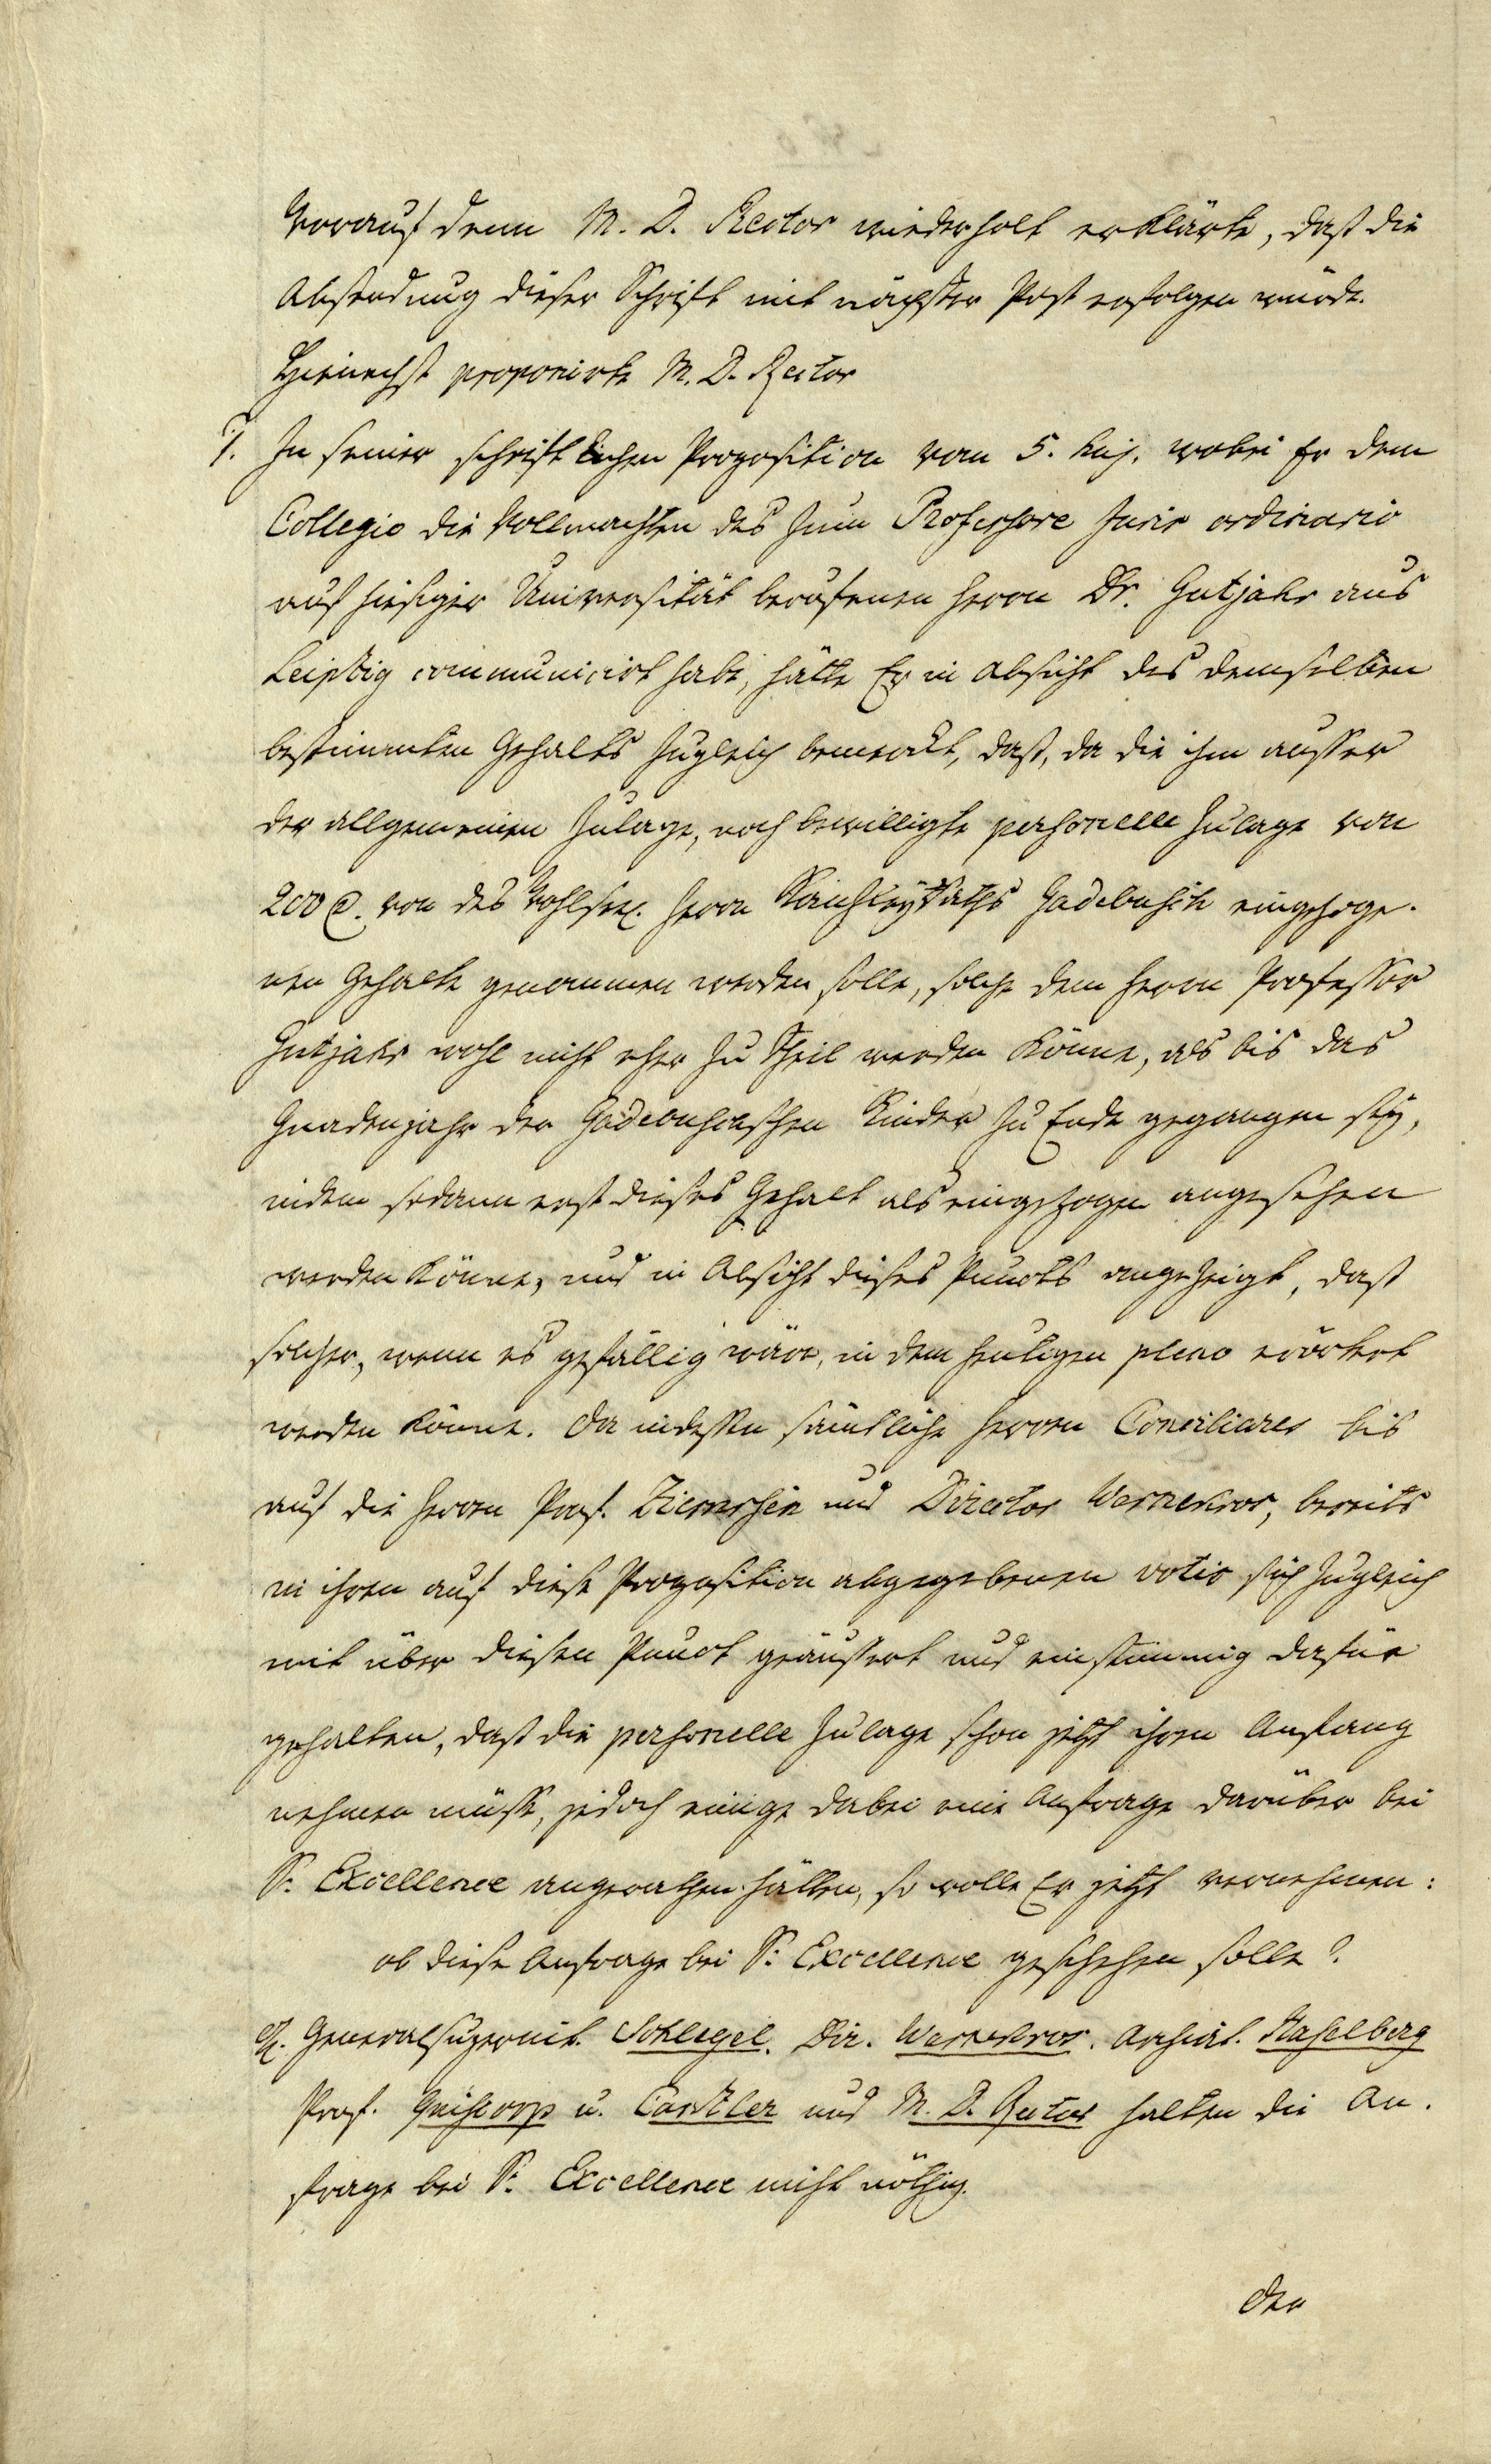Worauf denn M. D. Rector wiederholt erklärte, daß die
Absendung dieser Schrift mit nächster Post erfolgen würde.
Hienechst proponirte M. D. Rector
1. zu seiner schriftlichen Proposition vom 5. huj. wobei Er dem
Collegio die Vollmachten des zum Professore Juris ordinario
auf hiesiger Universität berufenen Herrn Dr. Gutjahr aus
Leipzig communicirt habe, hätte Er in Absicht des demselben
bestimmten Gehalts zugleich bemerckt, daß, da die ihm ausser
der allgemeinen Zulage, noch bewilligte personelle Zulage von
200 l. von des Wohlseel. Herrn KanzleÿRaths Gadebusch eingezoge¬
nen Gehalte genommen werden solle, solche dem Herrn Professor
Gutjahr wohl nicht eher zu Theil werden könne, als bis das
Gnadenjahr der Gadebuschschen Kinder zu Ende gegangen seÿ,
indem sodann erst dieses Gehalt als eingezogen angesehen
werden könne, und in Absicht dieses Puncts angezeigt, daß
solcher, wenn es gefällig wäre, in dem heutigen pleno erörtert
werden könne. Da indessen sämtliche Herren Conciliares bis
auf die Herren Prof. Ziemssen und Director Warnekros, bereits
in ihren auf diese Proposition abgegebenen votis sich zugleich
mit über diesen Punct geäussert und einstimmig dafür
gehalten, daß die personelle Zulage schon jetzt ihren Anfang
nehmen müsse, jedoch einge dabei eine Anfrage darüber bei
Sr. Excellence angerathen hätten, so wolle Er jetzt vernehmen:
ob diese Anfrage bei Sr. Excellence geschehen solle?
dh. Generalsuperint. Schlegel. Die. Warnekros. Archiat. Haselberg
Prof. Quistorp u. Canzler und M. D. Rector halten die An¬
frage bei Sr. Excellence nicht nöthig.
Der